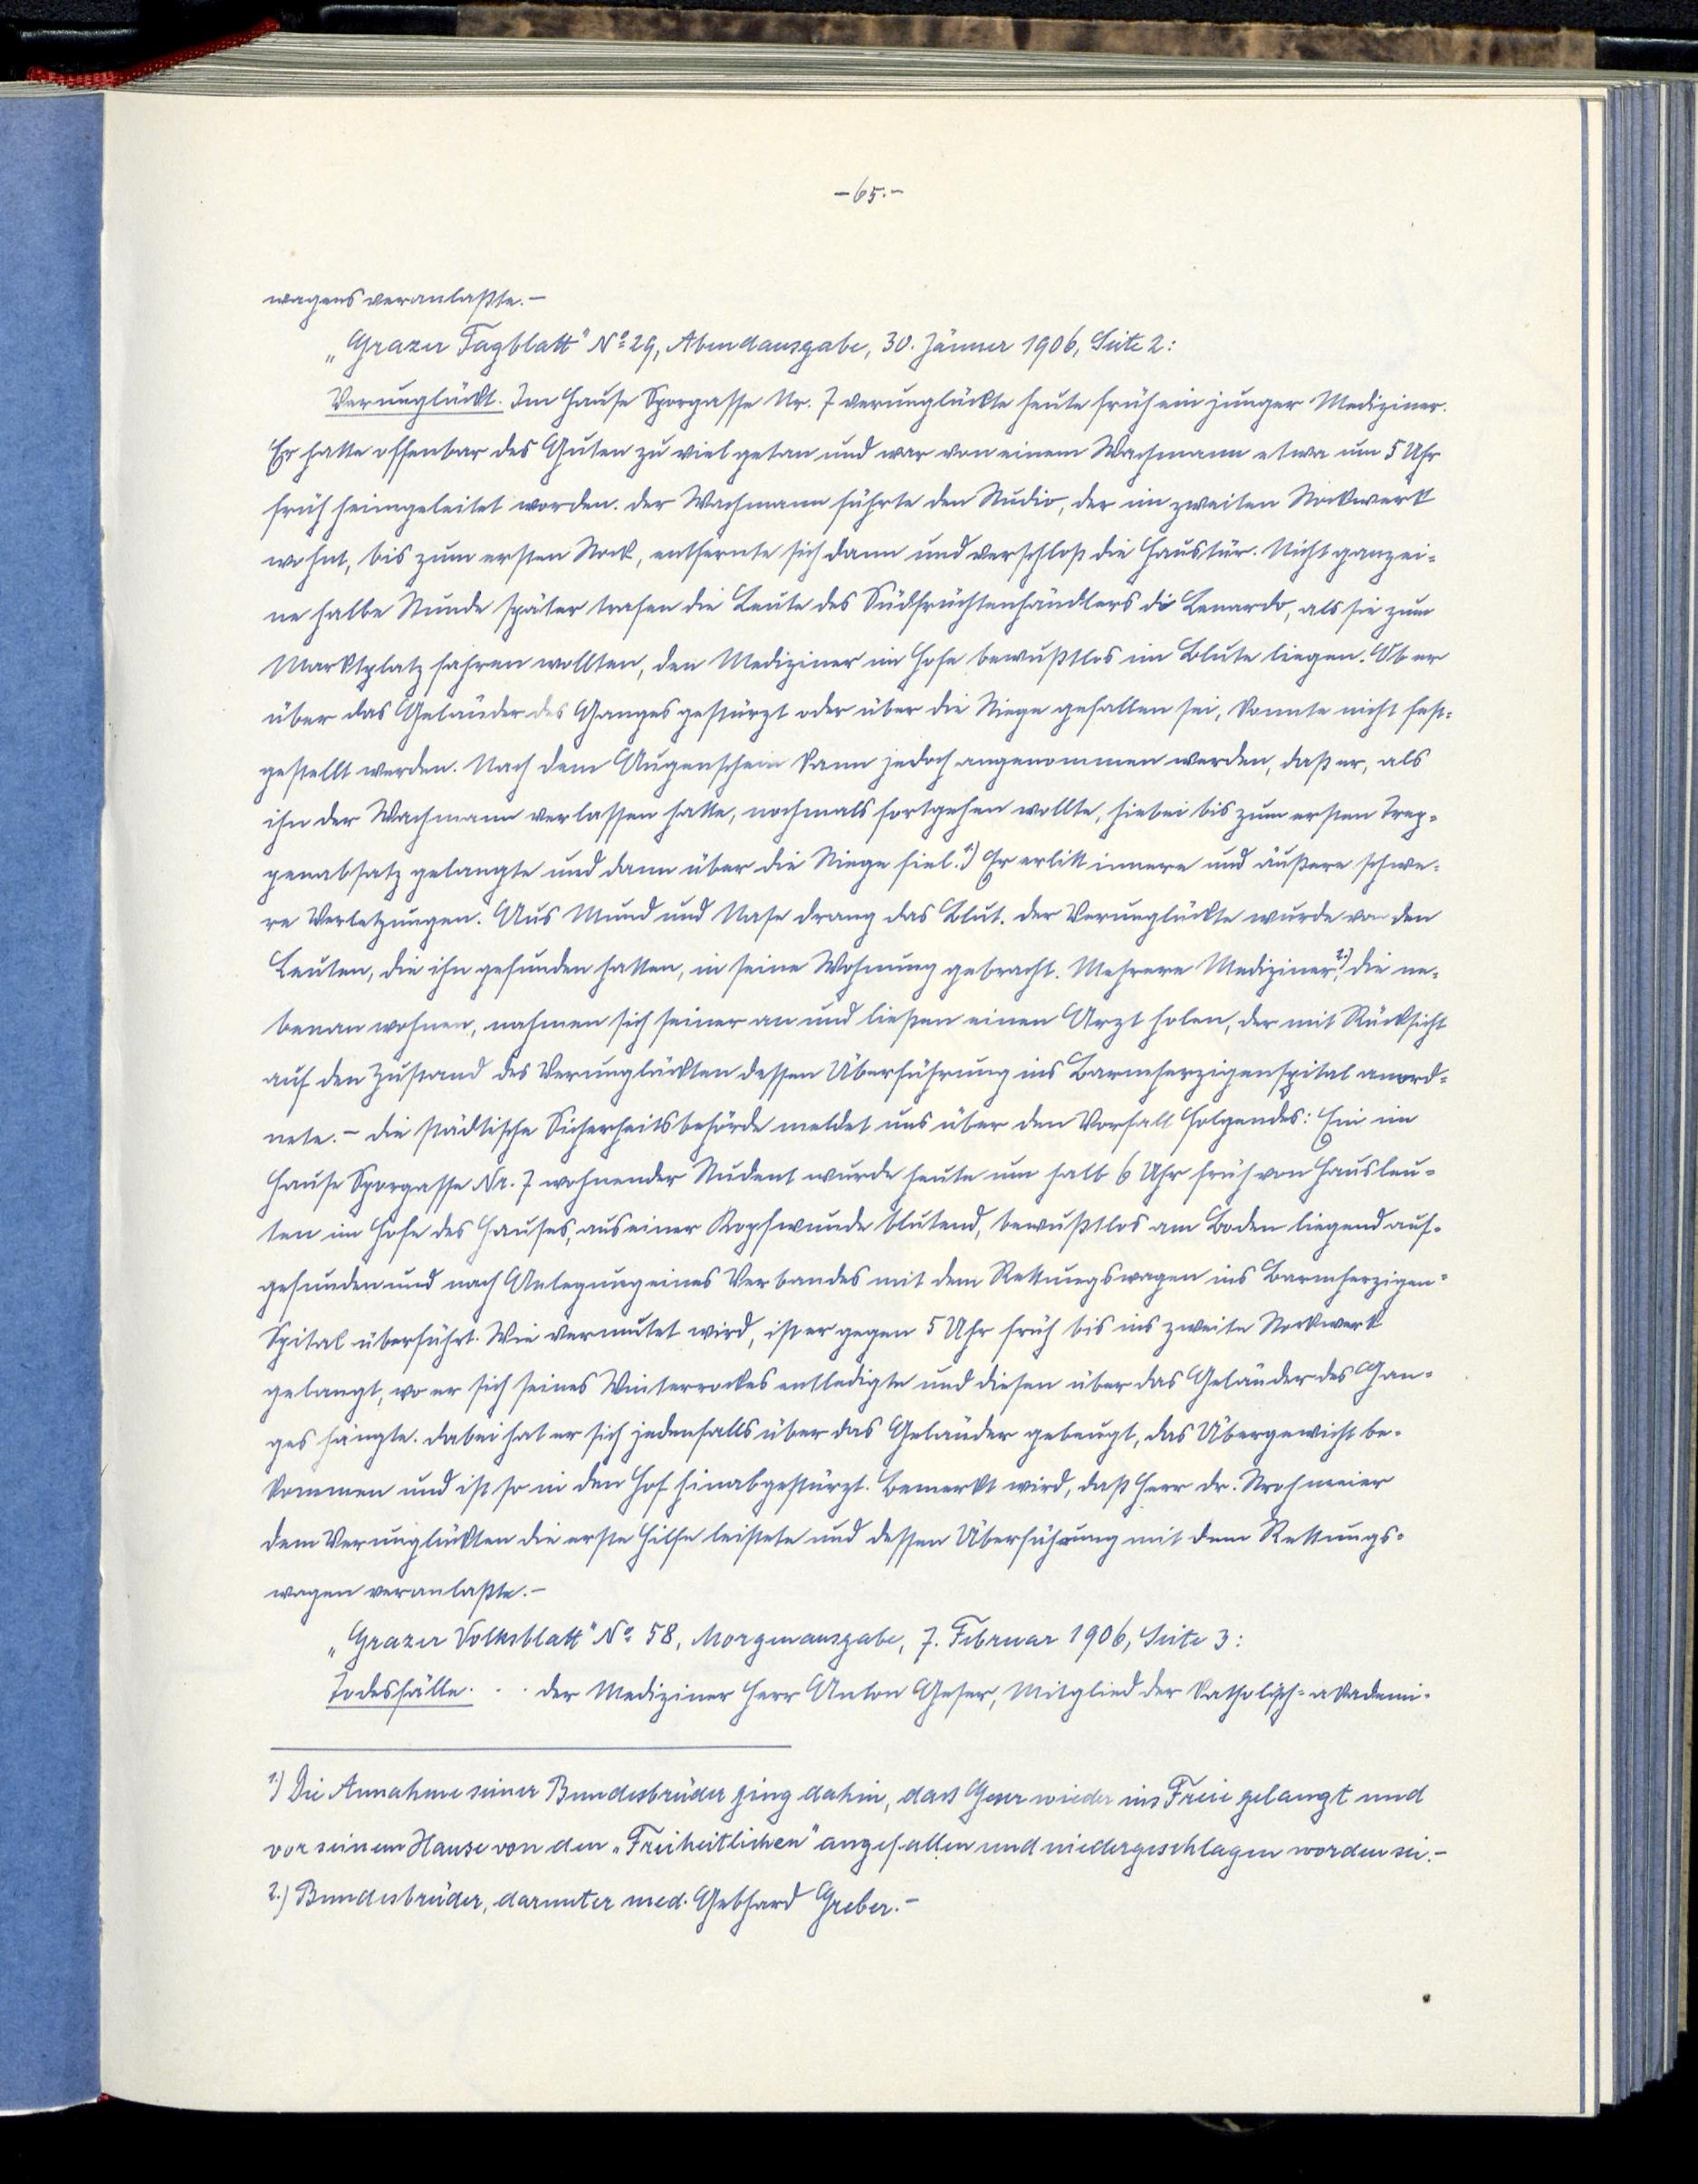65
wagens veranlasste.
„Grazer Tagblatt“, Nr. 29, Abendausgabe, 30. Jänner 1906, Seite 2:
Verunglückt. Im Hause Sporgasse Nr. 7 verunglückte heute früh ein junger Mediziner.
Er hatte offenbar des Guten zu viel getan und war von einem Wachmann etwa um 5 Uhr
früh heimgeleitet worden. Der Wachmann führte den Studio, der im zweiten Stockwerk
wohnt, bis zum ersten Stock, entfernte sich dann und verschloss die Haustür. Nicht ganz ei-
ne halbe Stunde später trafen die Leute des Südfrüchtenhändlers di Lenardo, als sie zum
Marktplatz fahren wollten, den Mediziner im Hofe bewußtlos im Blute liegen. Ob er
über das Geländer des Ganges gestürzt wurde über die Stiege gefallen sei, konnte nicht fest-
gestellt werden. Nach dem Augenschein kam jedoch angenommen werden, dass er, als
ihn der Wachmann verlassen hatte, nochmals fortgehen wollte, hierbei bis zum ersten Trep-
penabsatz gelangte und dann über die Stiege fiel.1) Er erlitt innere und äußere schwe-
re Verletzungen. Aus Mund und Nase drang das Blut. Der Verunglückte wurde von den Leuten,
die ihn gefunden hatten, in seine Wohnung gebracht. Mehrere Mediziner 2), die ne-
benan wohnen, nahmen sich seiner an und ließen einen Arzt holen, der mit Rücksicht
auf den Zustand des Verunglückten dessen Überführung ins Barmherzigenspital verord-
nete.- Die städtische Sicherheitsbehörde meldet uns über den Vorfall folgendes: Ein im
Hause Sporgasse Nr. 7 wohnender Student wurde heute um halb 6 Uhr früh von Hausleu-
ten im Hofe des Hauses, aus einer Kopfwunde blutend, bewusstlos am Boden liegend auf-
gefunden und nach Anlegung eines Verbandes mit dem Rettungswagen ins Barmherzigen-
Spital überführt. Wie vermutet wird, ist ergegen 5 Uhr früh bis ins zweite Stockwerk
gelangt, wo er sich seines Winterrockes entledigte und diesen über das Geländer des Gan-
ges hängte. Dabei hatte sich jedenfalls über das Geländer gehängt, das Übergewicht be-
kommen und ist so in den Hof hinabgestürzt. Bemerkt wird, dass er Dr. Strohmaier
dem Verunglückten die erste Hilfe leistete und dessen Überführung mit dem Rettungs-
wagen veranlaßte.
„Grazer Volksblatt„ Nr. 58, Morgenausgabe, 7. Februar 1906, Seite 3:
Todesfälle: … der Mediziner Herr Anton Geser, Mitglied der katholisch-akademi
1) Die Annahme seiner Bundesbrüder ging dahin, dass Geser wieder ins Freie gelangt und
vor seinem Hause von den „Freiheitlichen“ angefallen und niedergeschlagen worden sei.-
2) Bundesbrüder, darunter med. Gebhard Greber.-